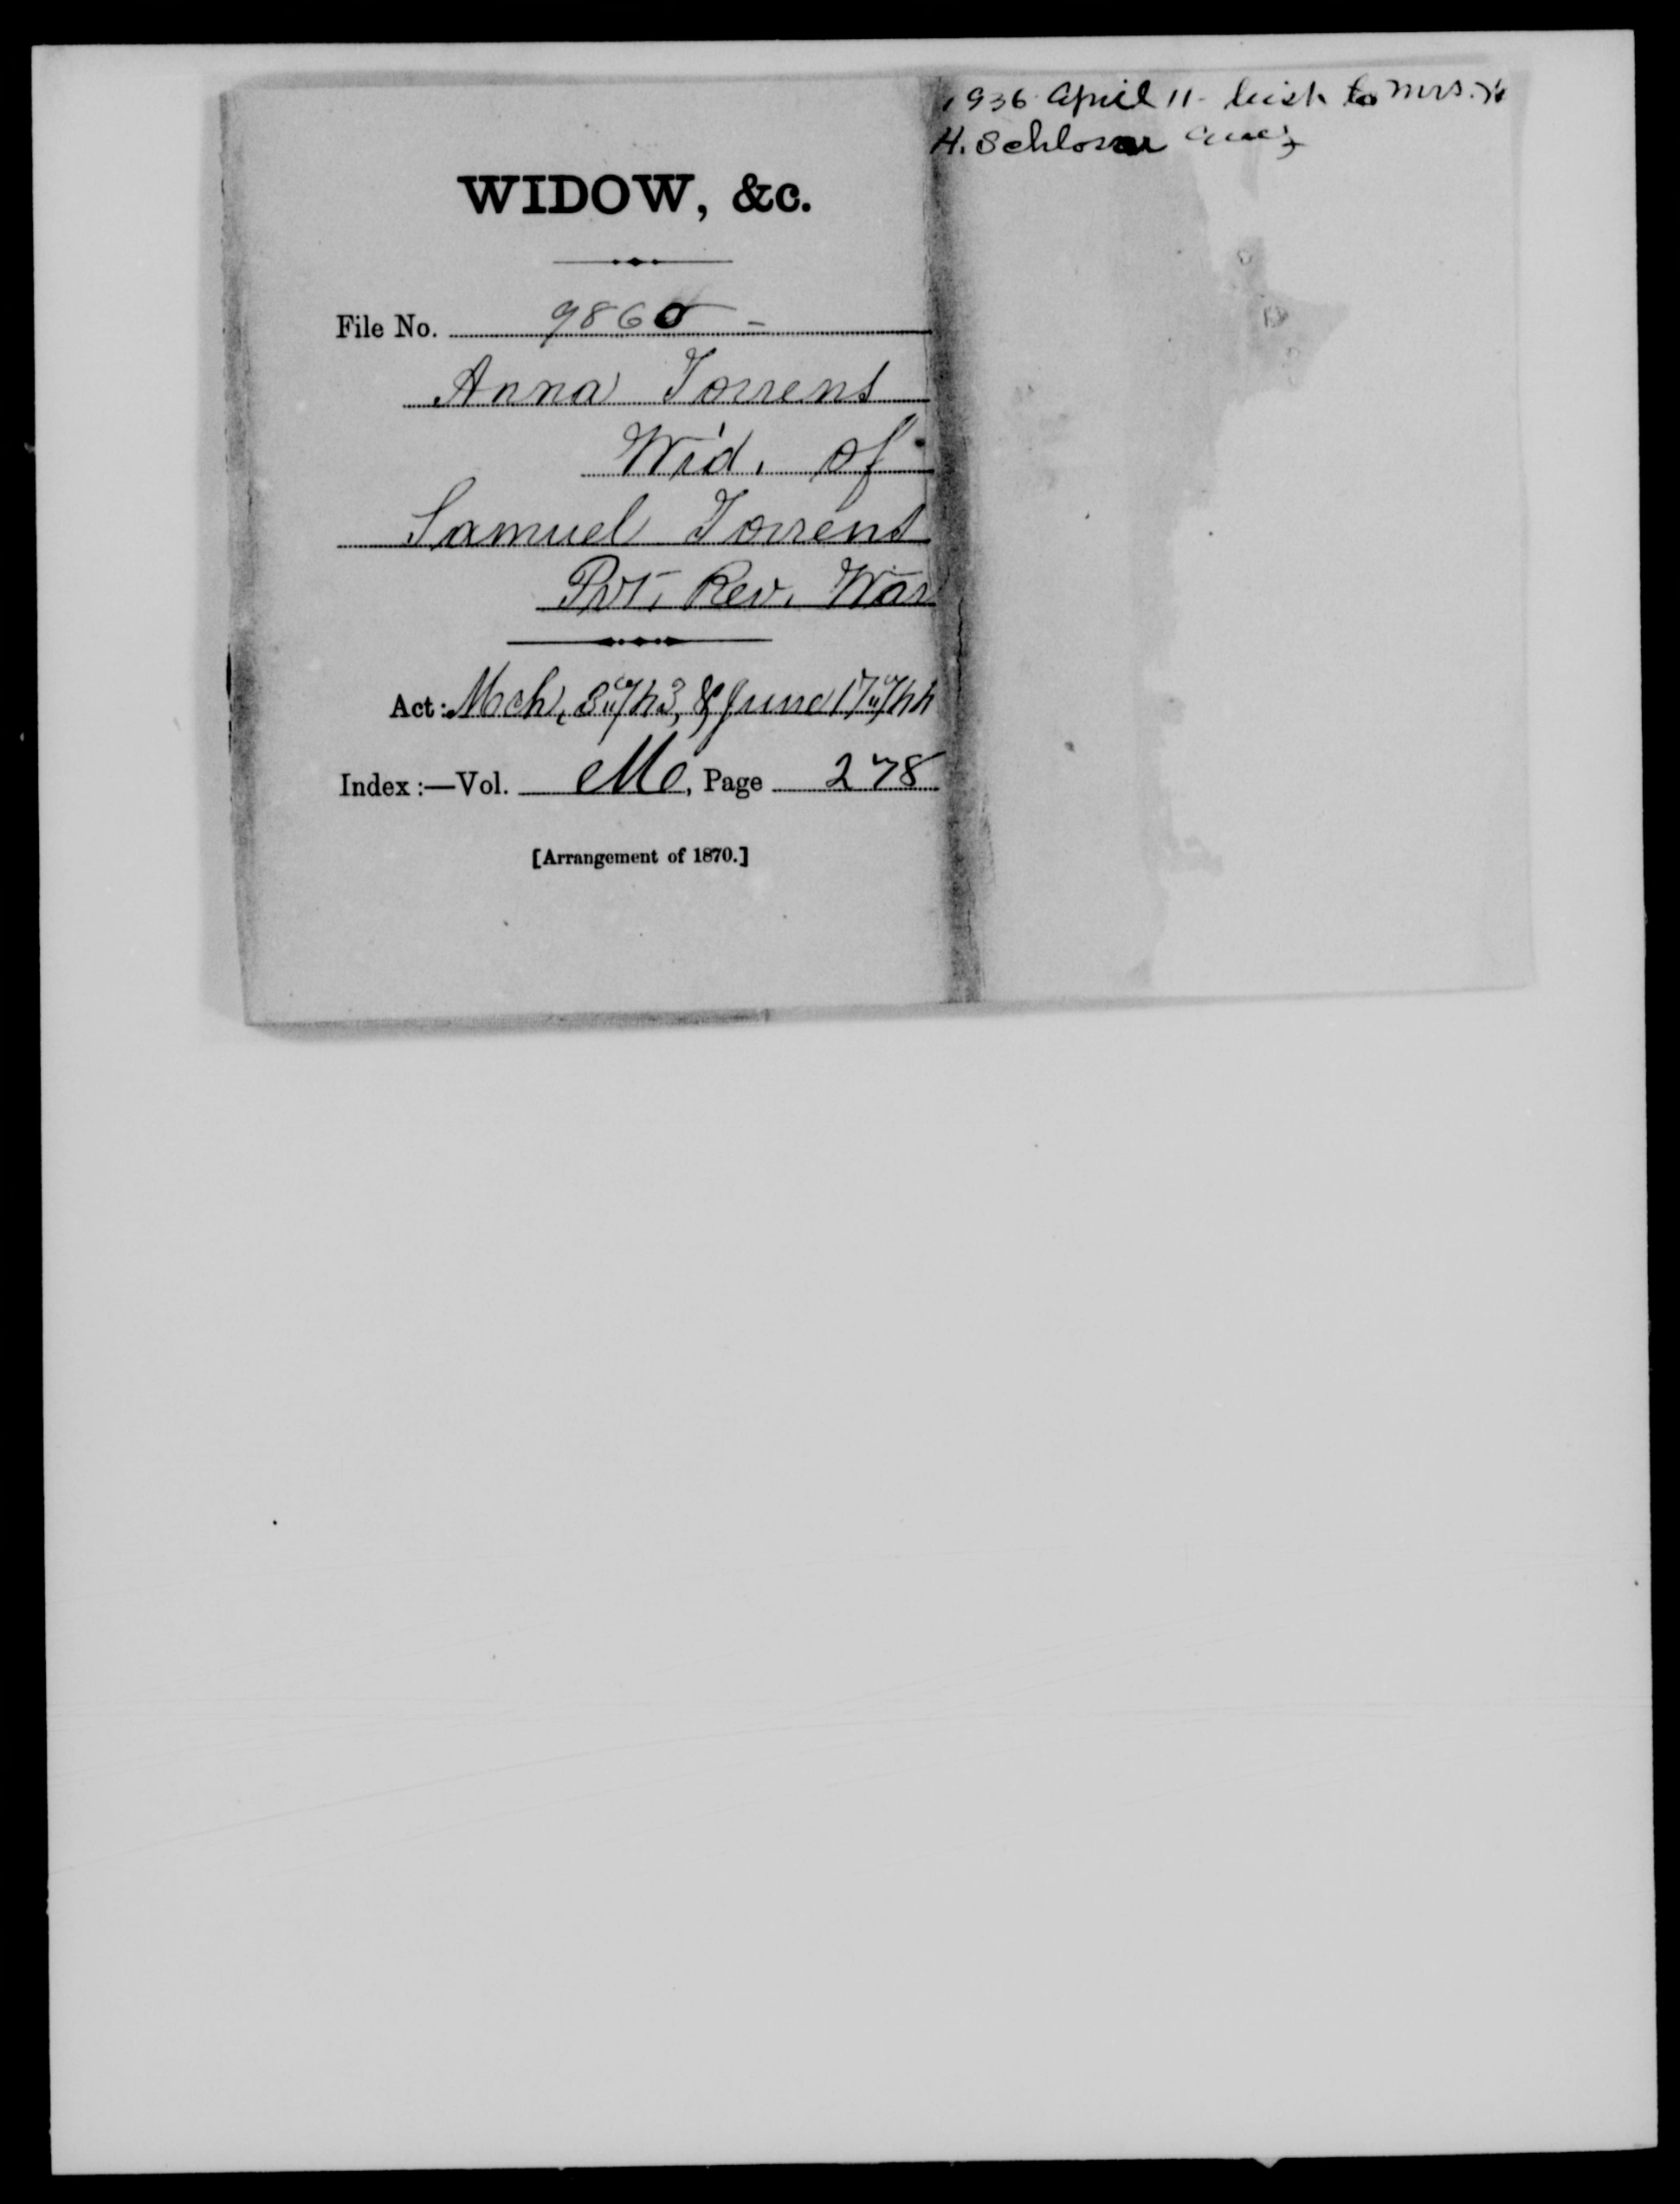WIDOW, &c.
File No. 9860
Anna Torrens
Wid. of
Samuel Torrens
Pvt. Rev. War
Act: Mch, 3"/43, & June 17"/44
Index:-Vol. M, Page 278
Arrangement of 1870.

1936 - April 11 - hist to Mrs. W. H. Schlosar AWF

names: Anna Torrens, W H Schlosar, Samuel Torrens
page: 26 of 27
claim: widow's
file: W. 9860, Samuel Torrons, Va.